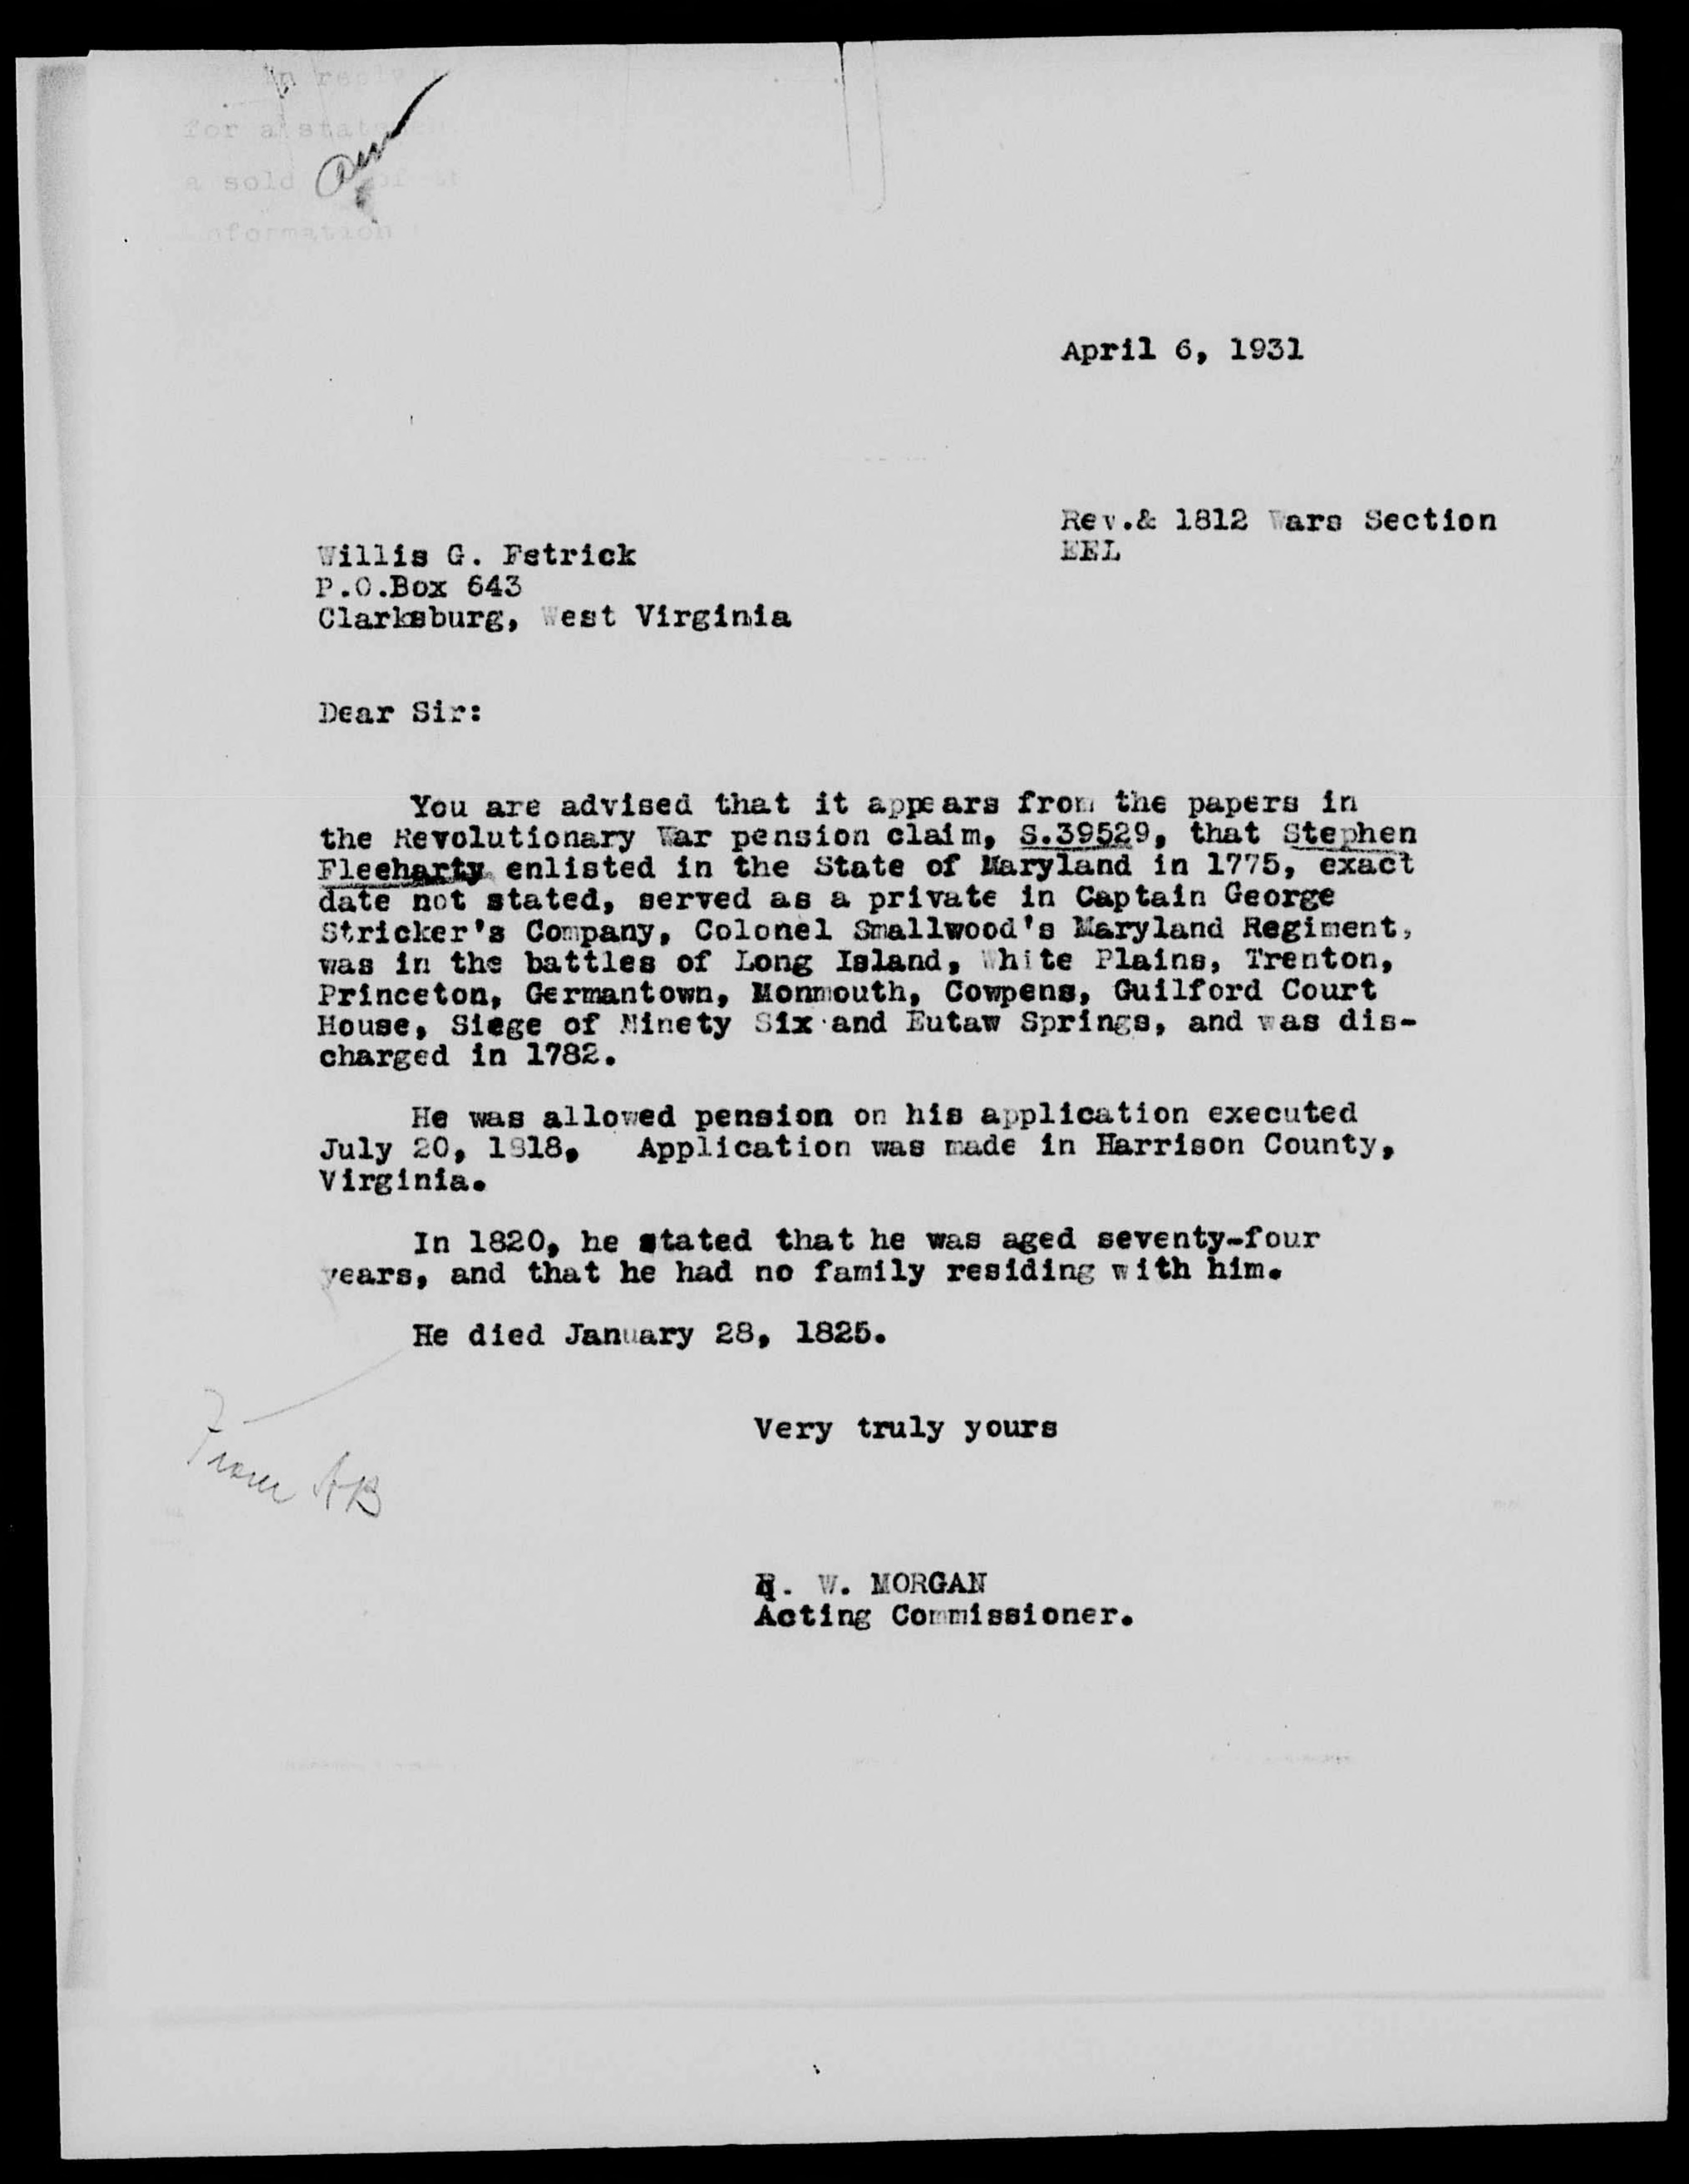April 6, 1931 

Willis G. Fetrick 
P. O. Box 643 
Clarksburg, West Virginia 

Rev. & 1812 Wars Section 
EEL 

Dear Sir: 

You are advised that it appears from the papers in the Revolutionary War pension claim, S.39529, that Stephen Fleeharty enlisted in the State of Maryland in 1775, exact date not stated, served as a private in Captain George Stricker’s Company, Colonel Smallwood’s Maryland Regiment, was in the battles of Long Island, White Plains, Trenton, Princeton, Germantown, Monmouth, Cowpens, Guilford Court House, Siege of Ninety Six and Eutaw Springs, and was discharged in 1782. 

He was allowed pension on his application executed July 20, 1818. Application was made in Harrison County Virginia. 

In 1820, he stated that he was aged seventy-four years, and that he had no family residing with him. 

He died January 28, 1825. 

Very truly yours 
R. W. MORGAN 
Acting Commissioner.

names: E W Morgan, Willis G Fetrick, Stephen Fleeharty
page: 8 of 14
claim: survivor's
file: S. 39529, Stephen Fleeharty, Md.